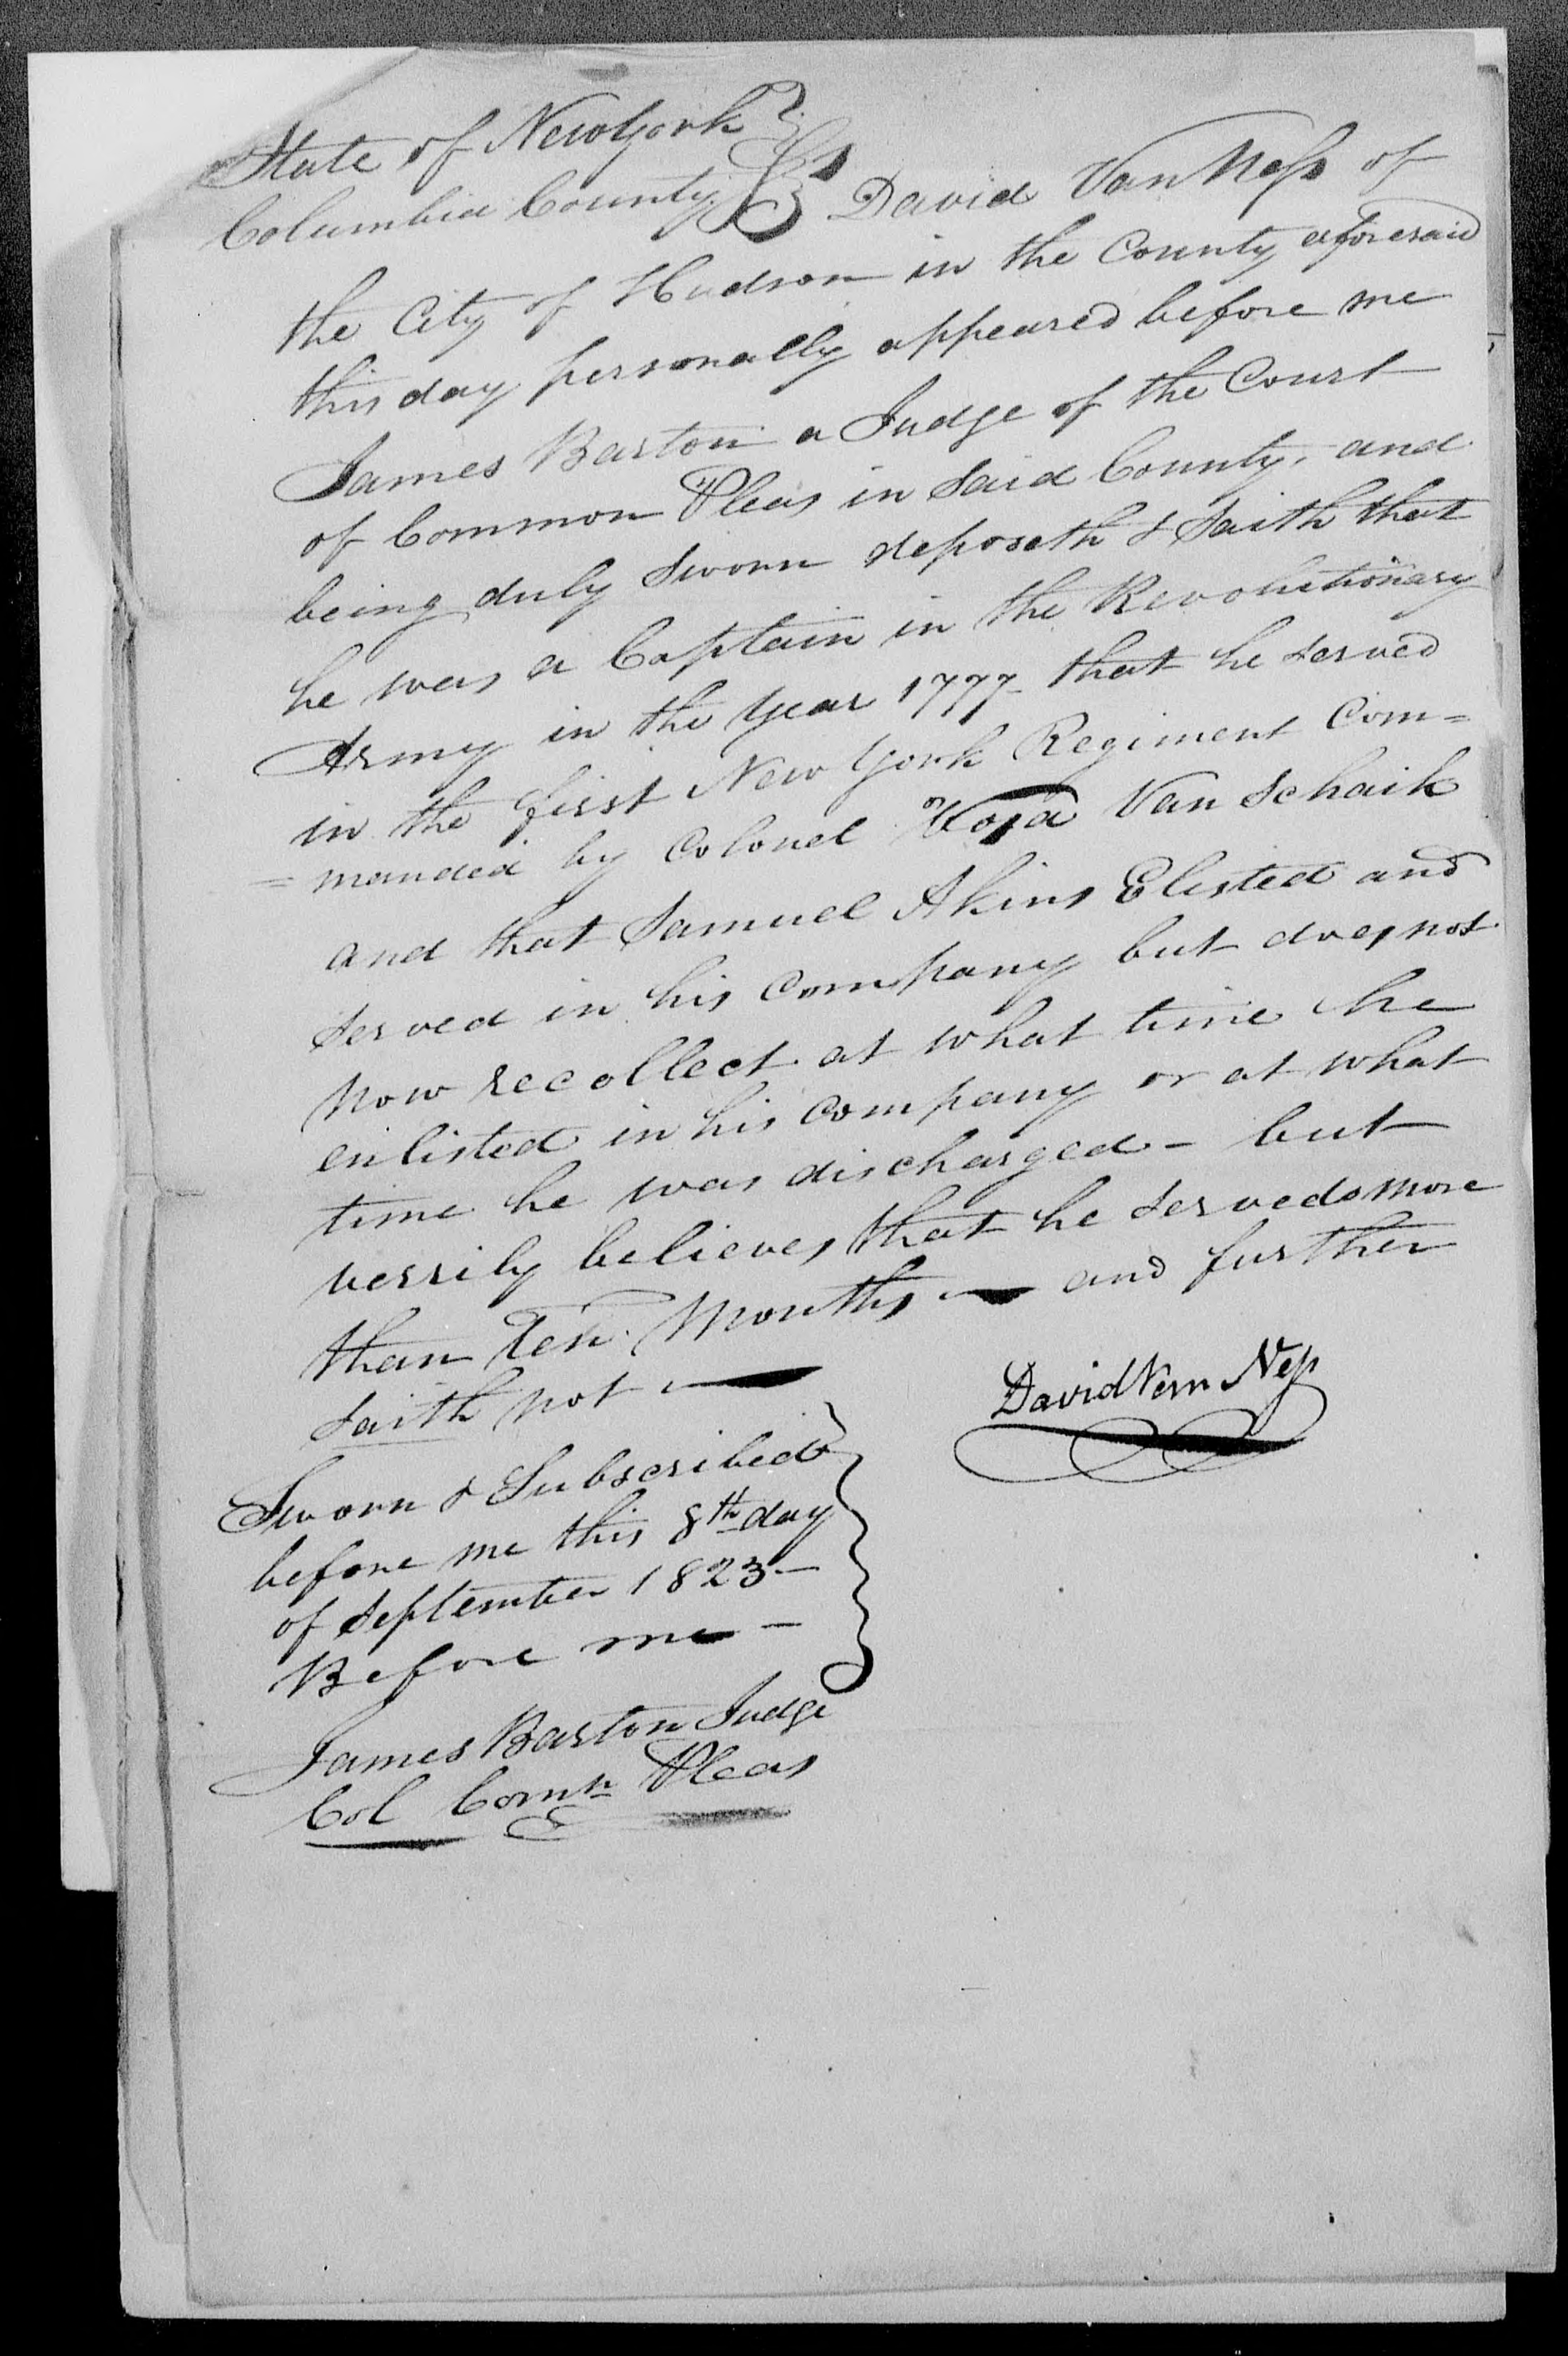[all handwritten]
State of New York
Columbia County 
[bracket] [flourish]David VanNess of
the City of Hudson in the County aforesaid
this day personally appeared before me
James Barton a Judge of the Court
of Common Pleas in said County, and
being duly sworn deposeth & saith that
he was a Captain in the Revolutionary
Army in the year 1777 that he served
in the first New York Regiment Com
manded [commanded] by Colonel Hoya[?] Van Schaik
and that Samuel Akins Elisted [enlisted] and
served in his company but does not 
now recollect at what time he
enlisted in his company or at what
time he was discharged - but
verrily believes that he served more than
ten months [flourish] and further
saith not [flourish]
David Van Ness
[flourish]
Sworn & Subscribed
before me this 8th day
of September 1823 -
Before me -
[flourish bracket]
James Barton Judge
Col Court[?] Pleas
[flourish]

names: James Barton, James Barton, Samuel Akins, David Van Ness, Van Schaik, David Van Ness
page: 8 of 9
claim: survivor's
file: S. 45181, Samuel Akins, New York